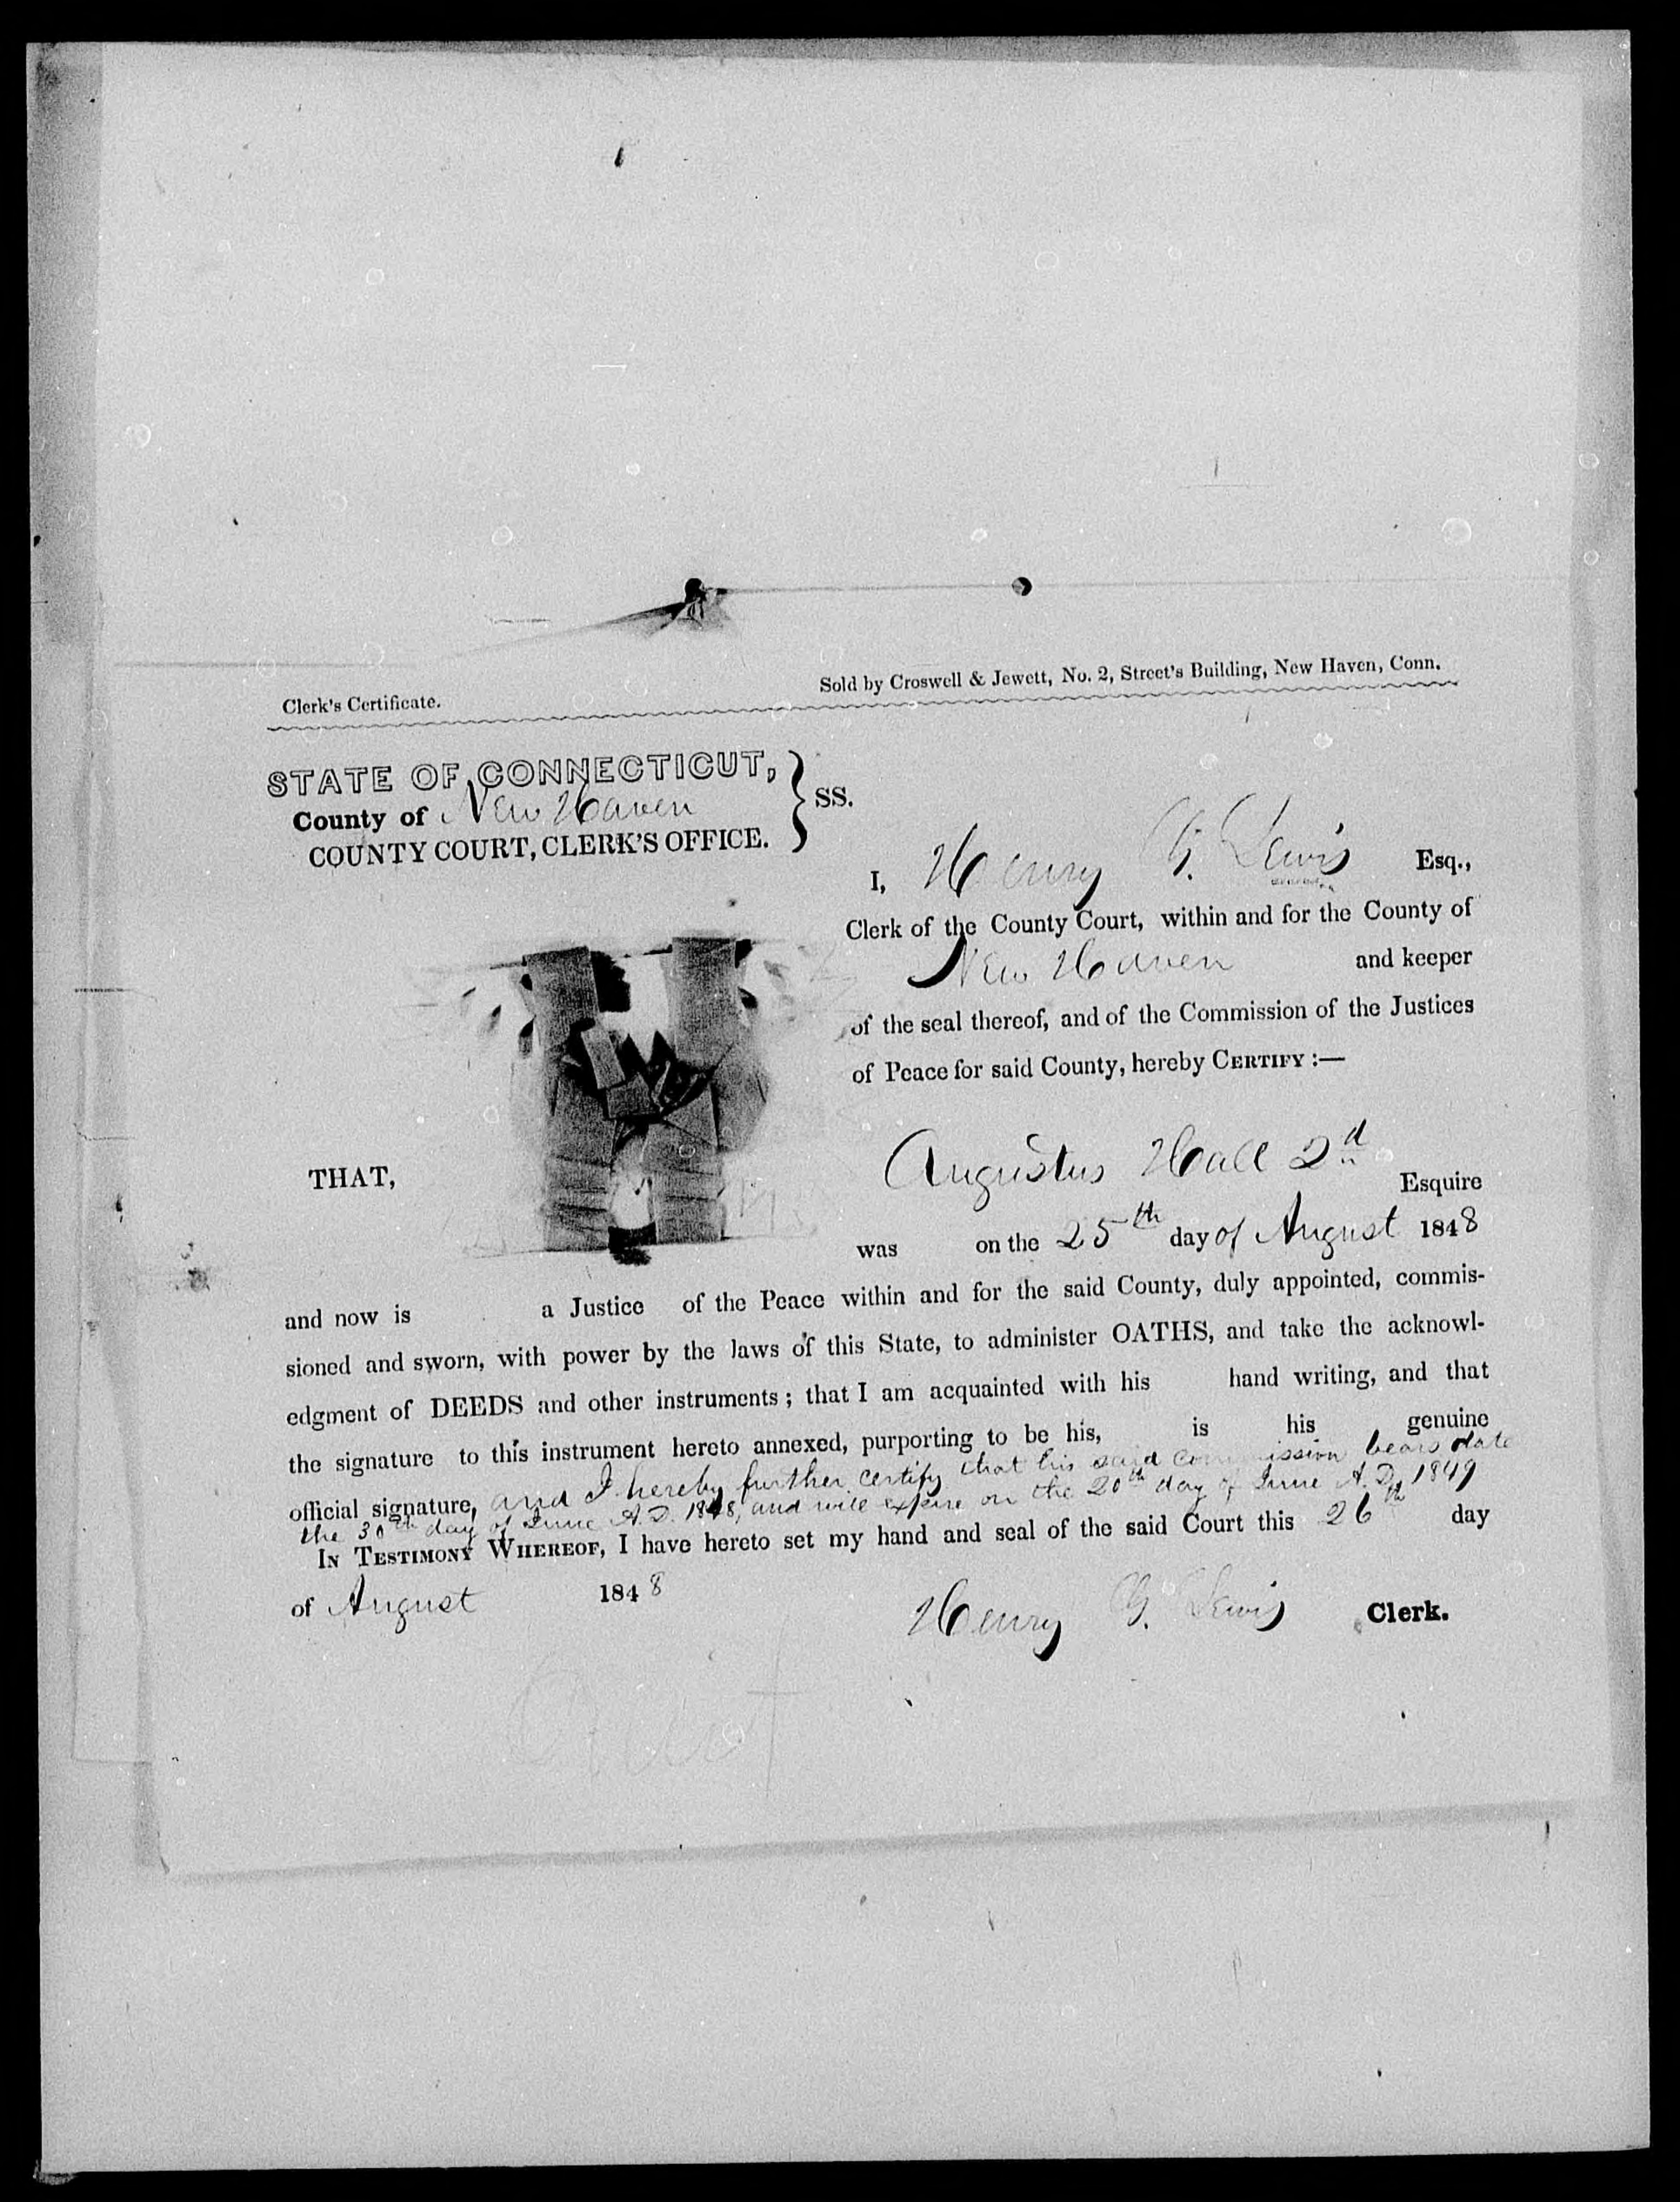Clerk's Certificate. Sold by Croswell & Jewett, No. 2, Street's Building, New Haven, Conn.

STATE OF CONNECTICUT
County of New Haven
COUNTY COURT, CLERK'S OFFICE. SS

[Seal with serrated edges and ribbons folded and affixed at left] 

I, Henry G. Lewis Esq., Clerk of the County Court, within and for the County of New Haven and keeper of the seal thereof, and of the Commission of the Justices of Peace for said County, hereby CERTIFY:-

THAT, Augustus Hall 2d Esquire was on the 25th day of August 1848 and now is a Justice of the Peace within and for the said County, duly appointed, commissioned and sworn, with power by the laws of this State, to administer OATHS, and take the acknowledgment of DEEDS and other instruments; that I am acquainted with his hand writing, and that the signature to this instrument hereto annexed, purporting to be his, is his genuine official signature, and I hereby further certify that his said commission bears date the 30th day of June A.D. 1848, and will expire on the 20th day of June A.D. 1849 

IN TESTIMONY WHEREOF, I have hereto set my hand and seal of the said Court this 26th day of August 1848

Henry G. Lewis  Clerk.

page: 43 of 47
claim: widow's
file: W. 17879, for Seth Strong, Connecticut